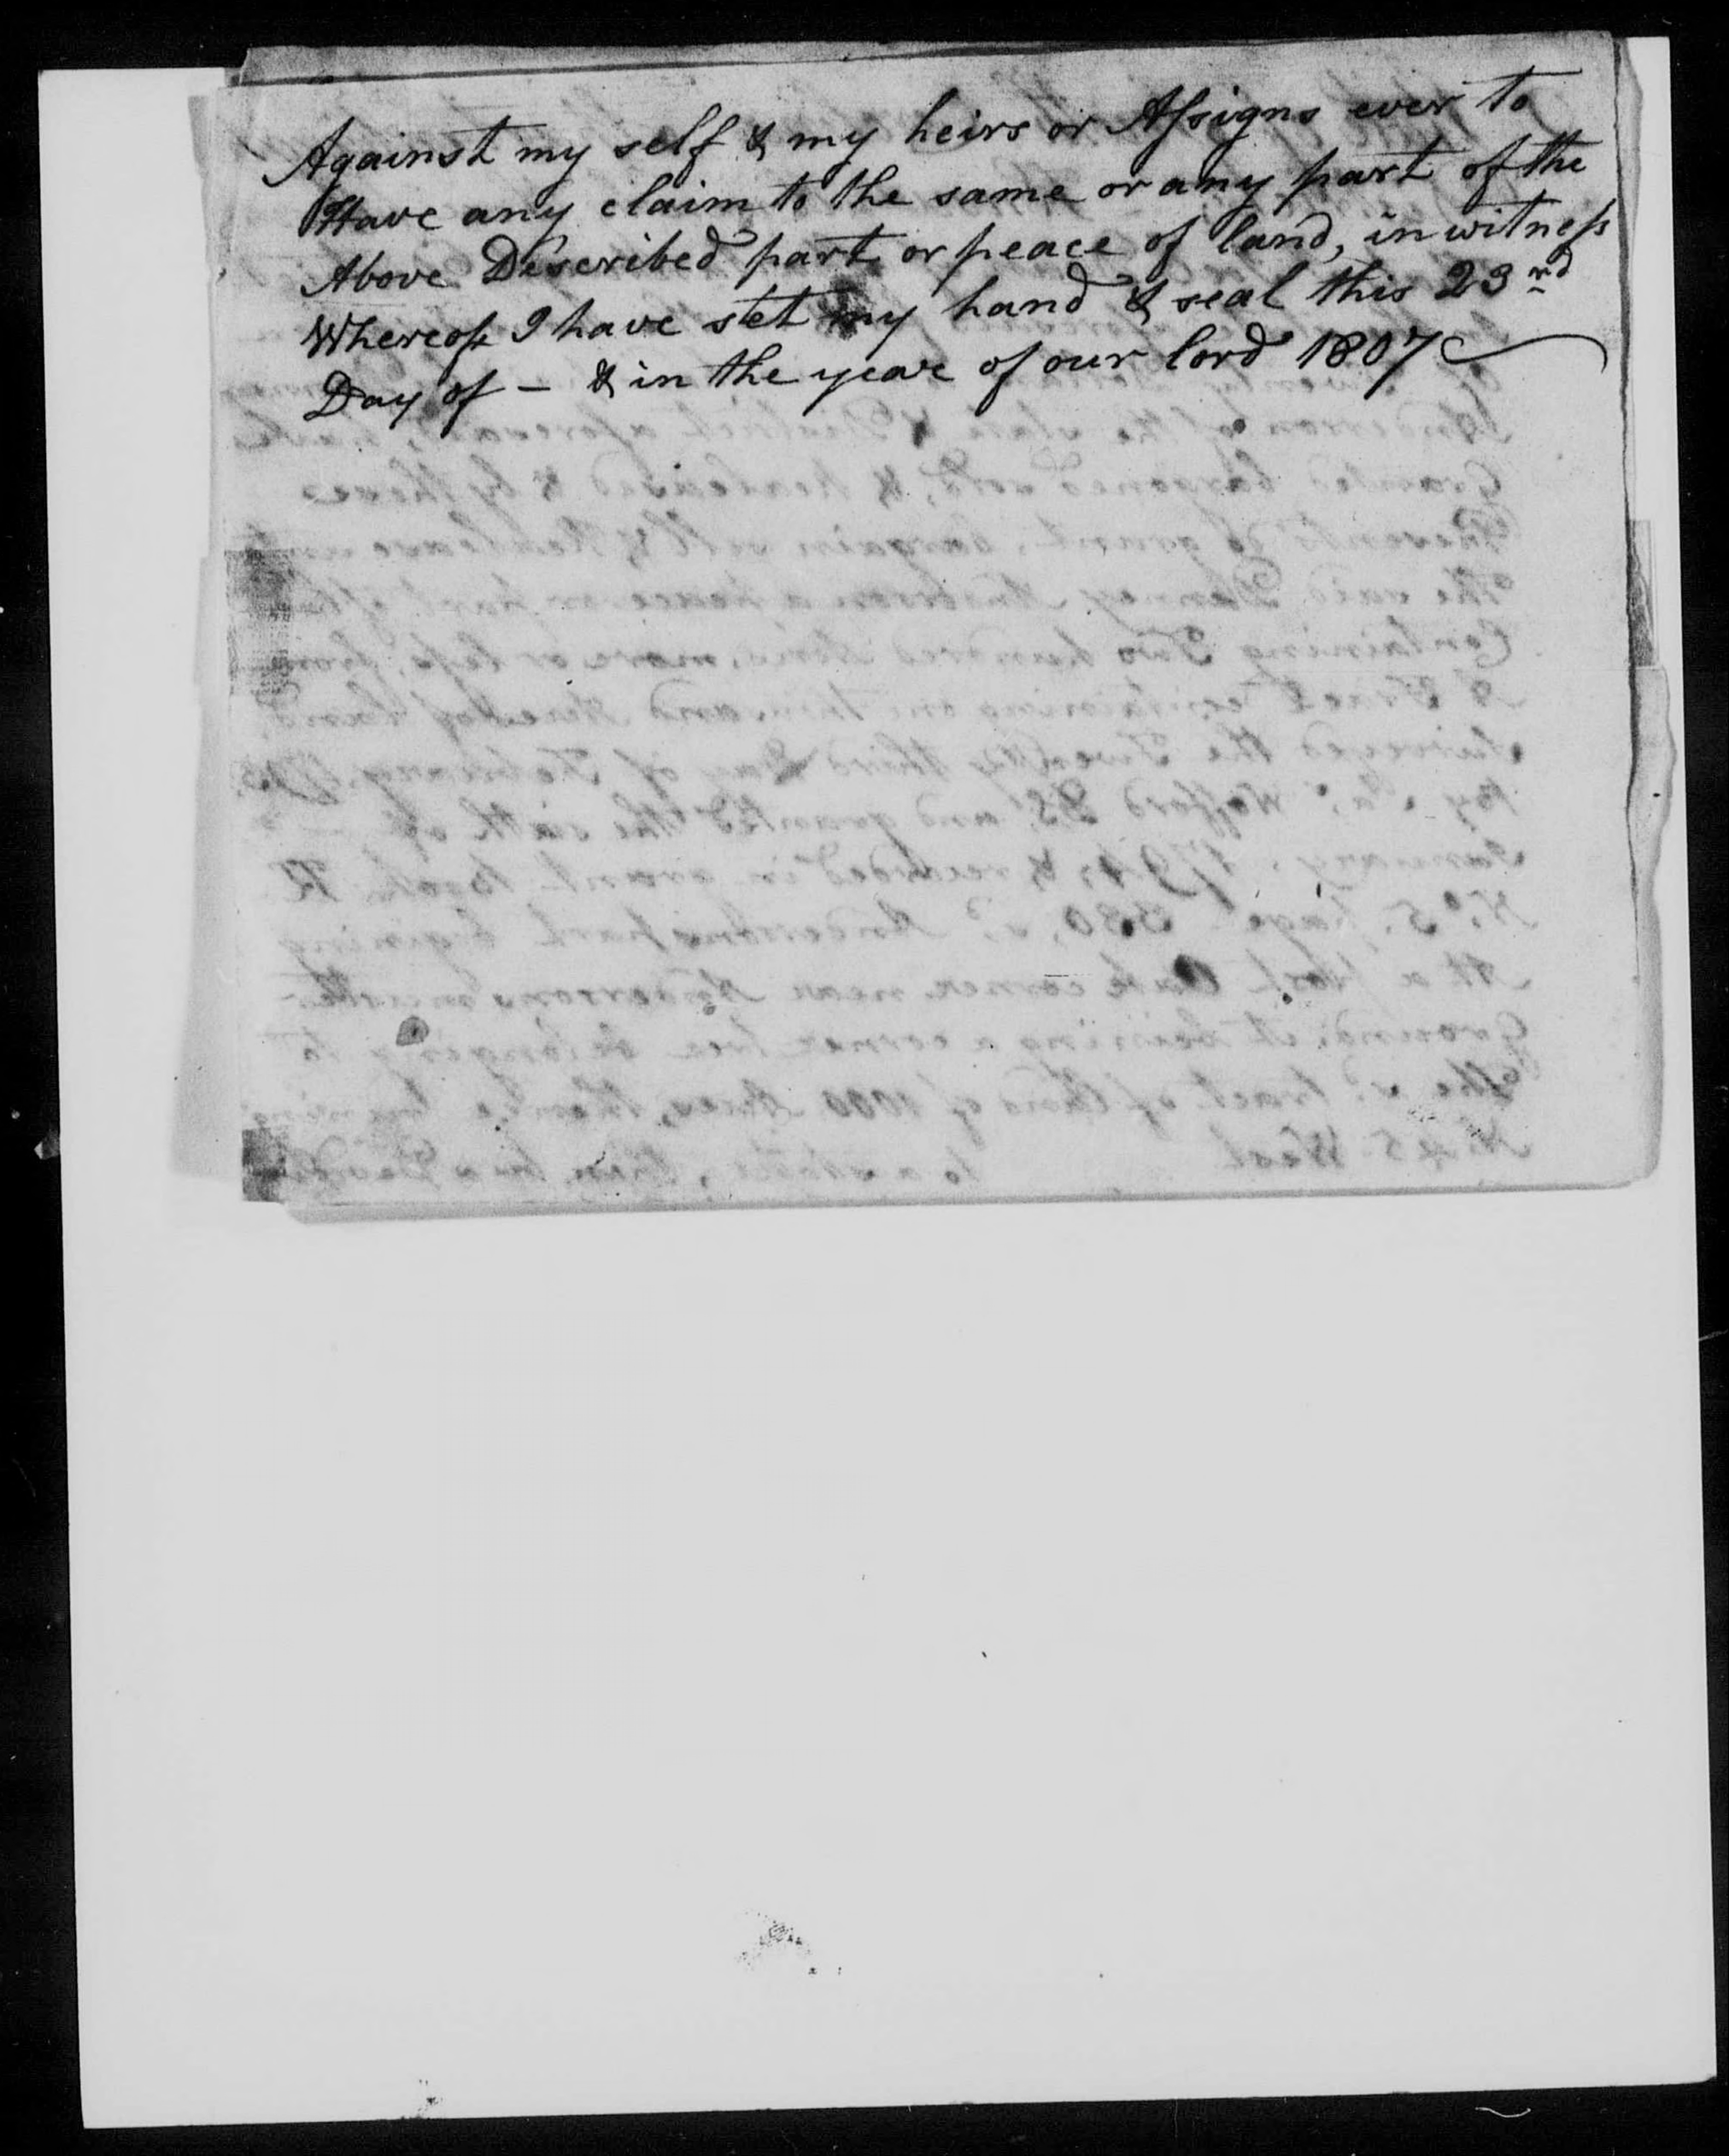Against my self & my heirs or assigns ever to have any claim to the same or any part of the above described part or peace of land, in witness Whereof I have set my hand & seal this 23rd Day of & in the year of our Lord 1807.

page: 35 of 51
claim: widow's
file: W. 9700, Denney Anderson, S.C.